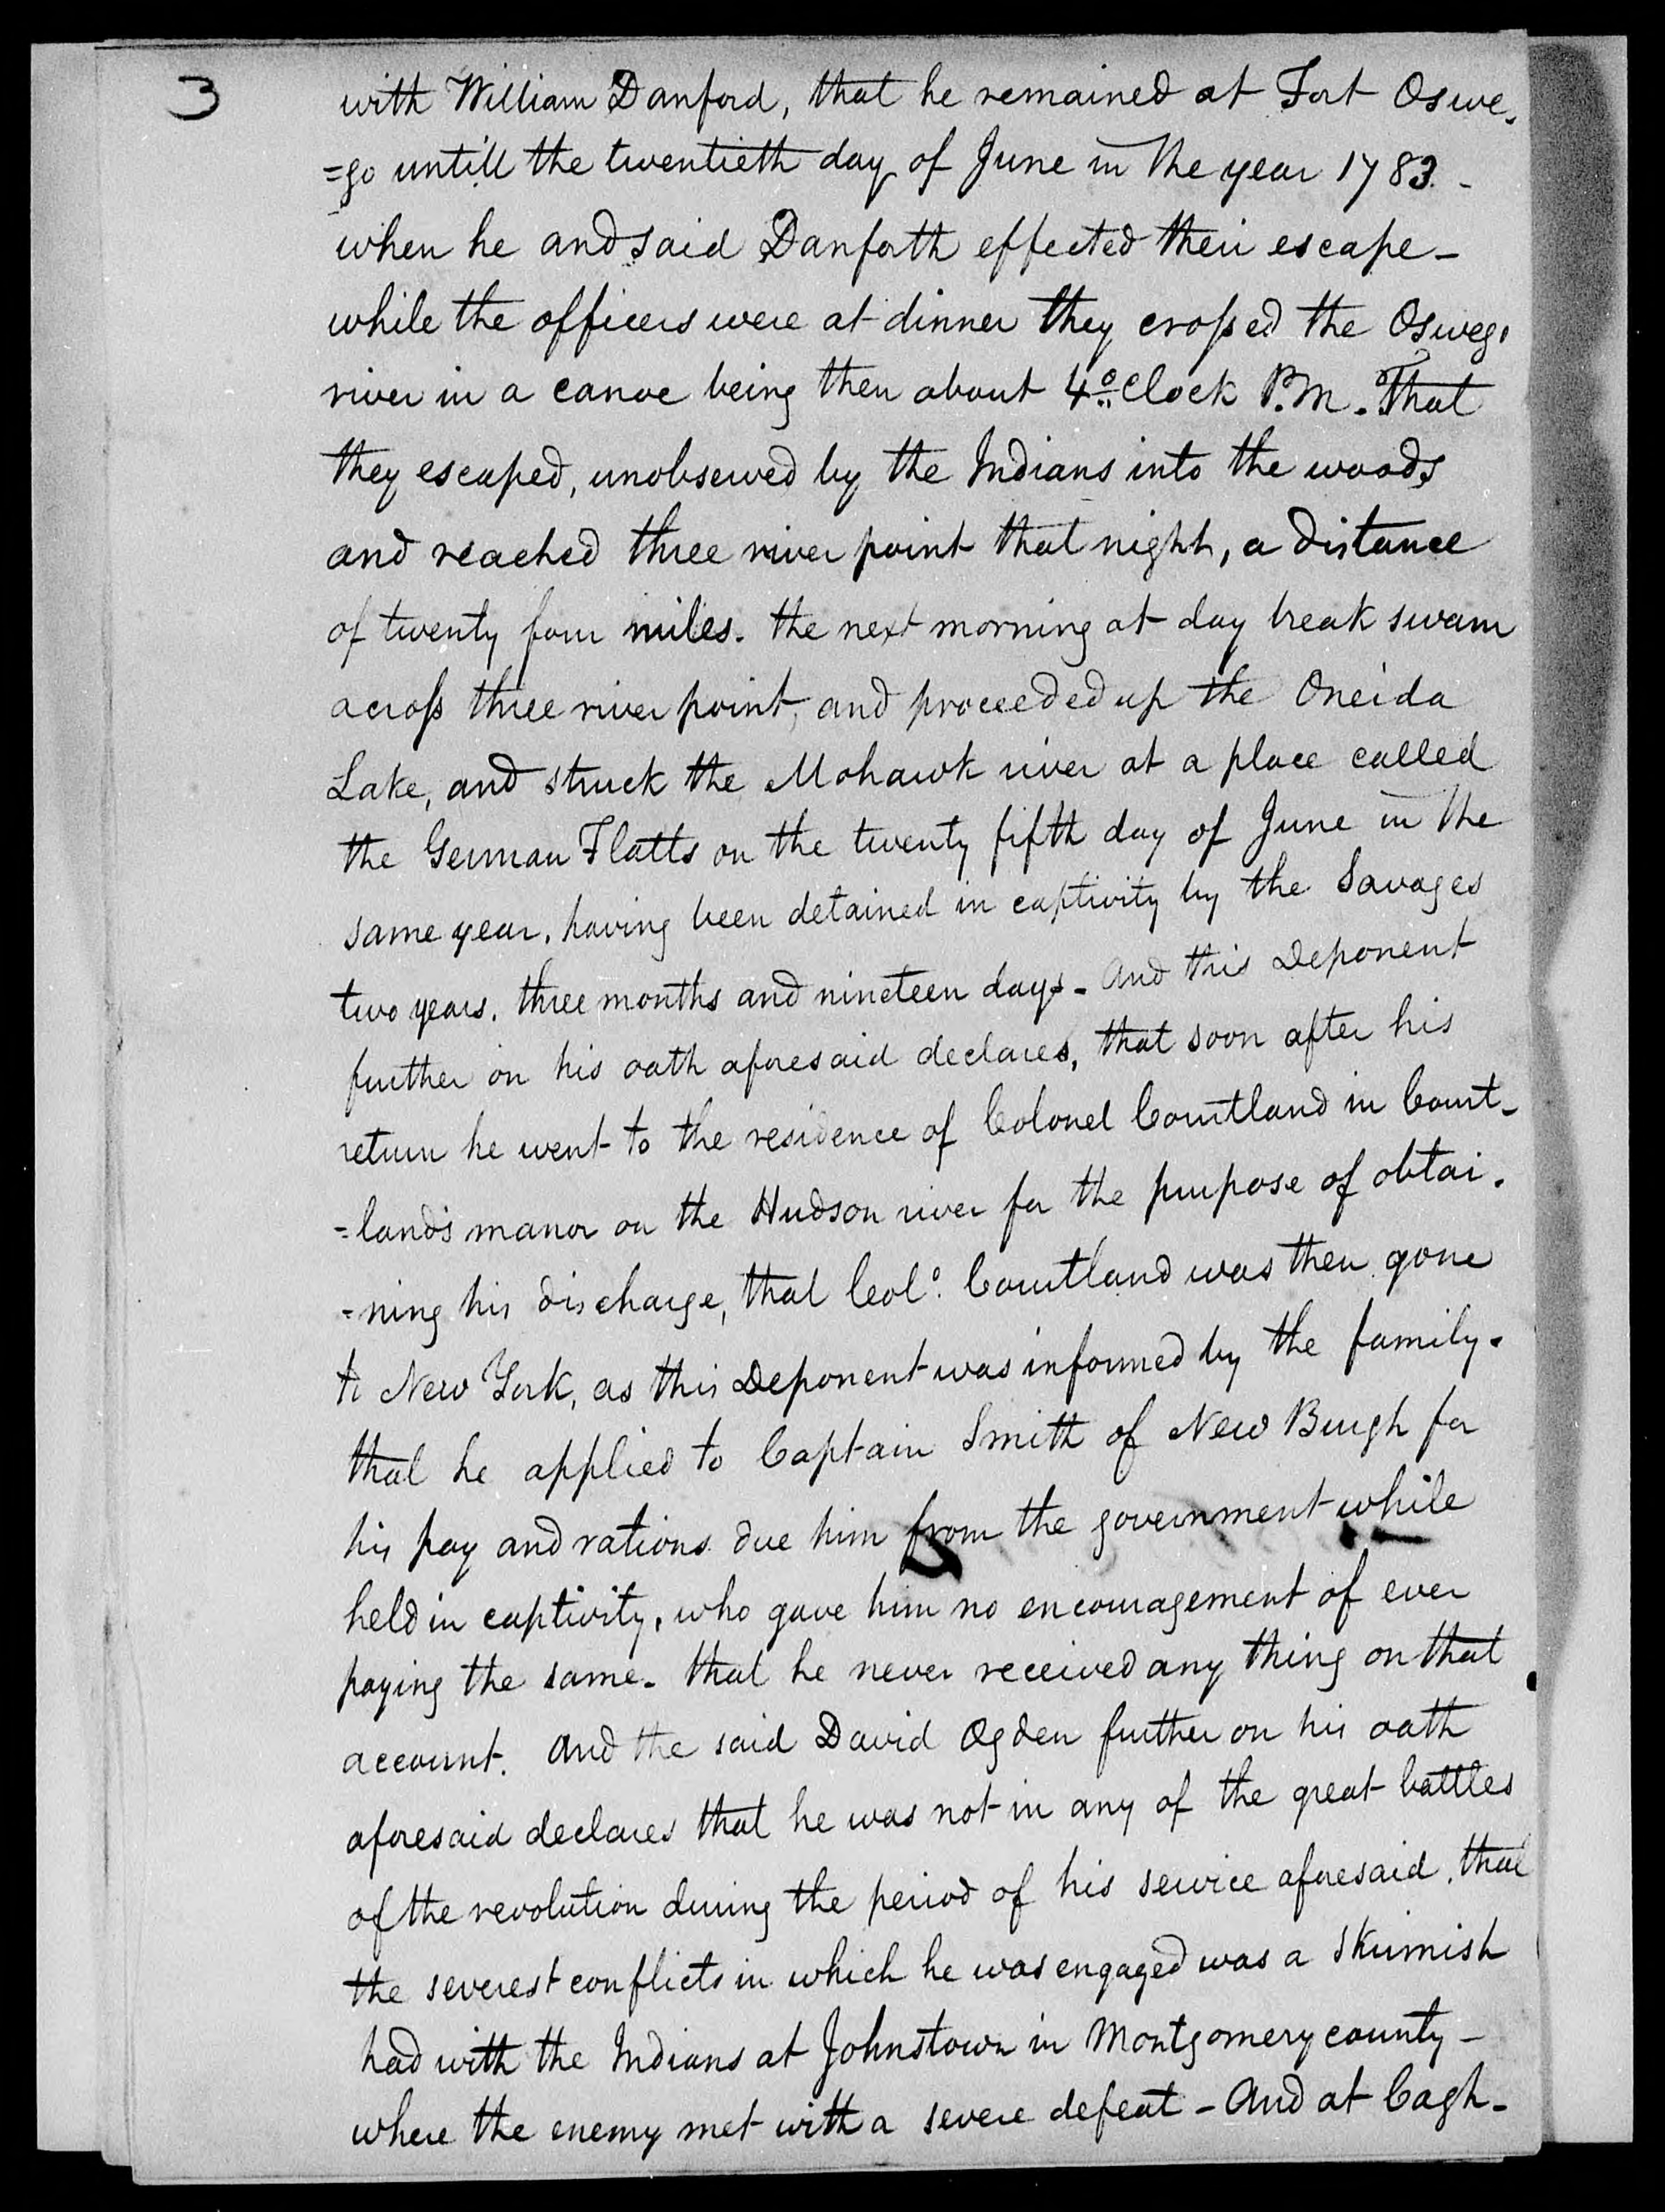3
with William Danford, that he remained at Fort Oswego 
untill the twentieth day of June in the year 1783.
when he and said Danforth effected their escape, 
while the officers were at dinner they crossed the Oswego
river in a canoe being then about 4 o'clock P.M.  That
they escaped, unobserved by the Indians into the woods
and reached three river point that night, a distance
of twenty four miles.  the next morning at day break swam
across three river point, and proceeded up the Oneida
Lake, and struck the Mohawk river at a place called
the German Flatts on the twenty fifth day of June in the same
year, having been detained in captivity by the Savages
two years, three months and nineteen days.  And this deponent
further on his oath aforesaid declares, that soon after his
return he went to the residence of Colonel Courtland in Courtland's
manor on the Hudson river for the purpose of obtaining 
his discharge, that Col Courtland was then gone
to New York, as this deponent was informed by the family.
that he applied to Captain Smith of New Burgh for
his pay and rations due him from the government while
held in captivity, who gave him no encouragement of ever 
paying the same.  that he never received any thing on that
account.  And the said David Ogden further on his oath
aforesaid declares that he was not in any of the great battles
of the revolution during the period of his service aforesaid, that the
severest conflicts in which he was engaged was a Skirmish
had with the Indians at Johnstown in Montgomery County - where
the enemy met with a severe defeat, And at Cagh- [Caughnewaga]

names: [BLANK] Courtland; David Ogden; William Danford; [BLANK] Smith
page: 20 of 40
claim: widow's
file: W. 24364, for David Ogden, New York